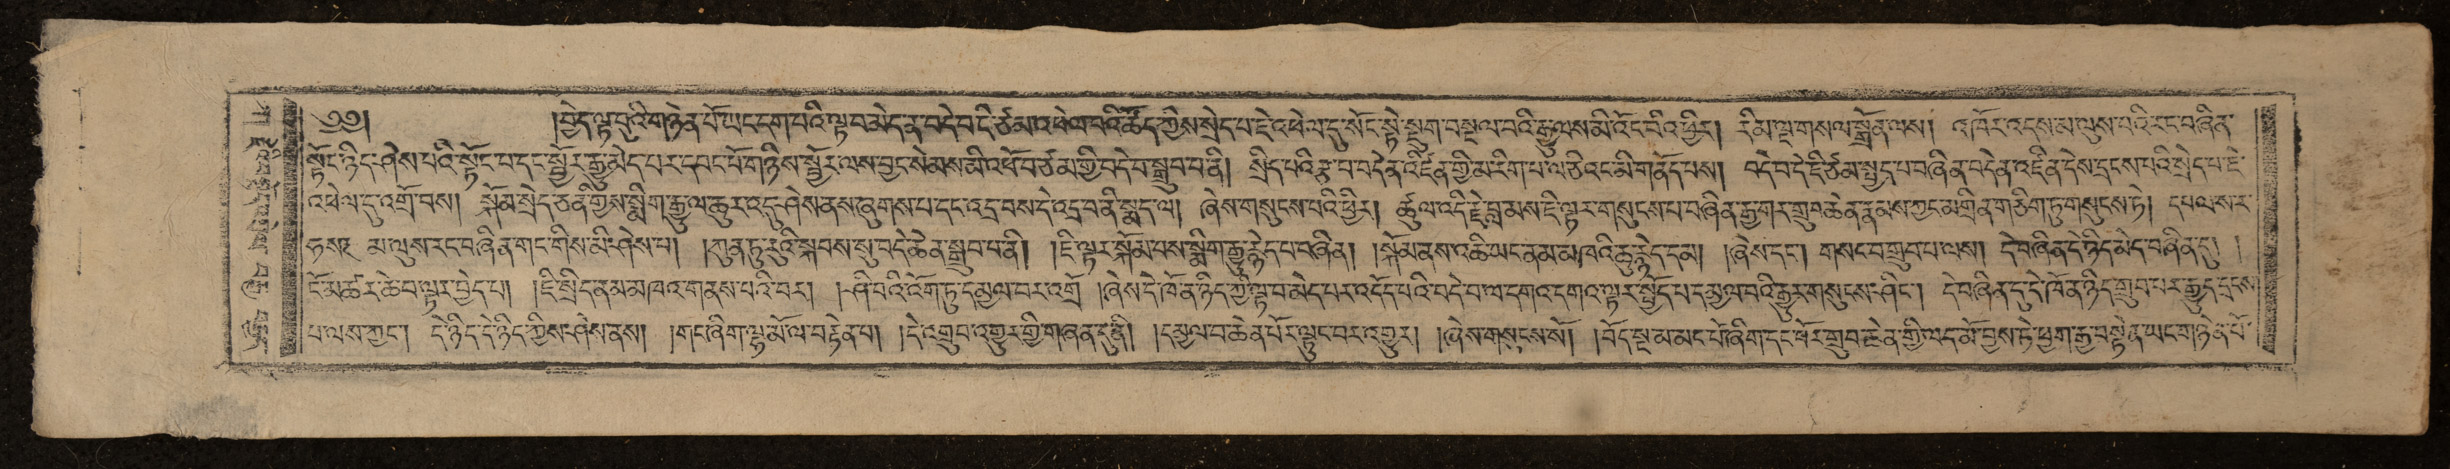༄༅། །བྱེད་ལྟ་བུའི་གཉེན་པོ་ཡང་དག་པའི་ལྟ་བ་མེད་ན་བདེ་བ་ཇི་ཙམ་འཕེལ་བའི་ཚོད་ཀྱིས་སྲེད་པ་ཇེ་འཕེལ་དུ་སོང་སྟེ་སྡུག་བསྔལ་བའི་རྒྱུ་ལས་མི་འོང་བའི་ཕྱིར། རིམ་ལྔ་གསལ་སྒྲོན་ལས། འཁོར་འདས་མ་ལུས་པའི་རང་བཞིན་
སྟོང་ཉིད་ཤེས་པའི་སྟོང་བ་དང་སྦྱོར་རྒྱུ་མེད་པར་དབང་པོ་གཉིས་སྦྱོར་ལས་བྱང་སེམས་མི་འཕོ་བ་ཙམ་གྱི་བདེ་བསྒྲུབ་པ་ནི། སྲིད་པའི་རྩ་བ་བདེན་འཛིན་གྱི་མ་རིག་པ་ལ་ཅིའང་མི་གནོད་པས། བདེ་བ་དེ་ཇི་ཙམ་དུ་སྤྱད་པ་བཞིན་བདེན་འཛིན་དེས་དྲངས་པའི་སྲེད་པ་ཇི་
འཕེལ་དུ་འགྲོ་བས། སྐོམ་སྲེད་ཅན་གྱིས་སྨིག་རྒྱུ་ལ་ཆུར་འདུ་ཤེས་ནས་ཞུགས་པ་དང་འདྲ་བས་དེ་འདྲ་བ་ནི་སྨད་ལ། ཞེས་གསུངས་པའི་ཕྱིར། ཚུལ་འདི་རྗེ་བླ་མས་ཇི་ལྟར་གསུངས་པ་བཞིན་རྒྱ་གར་གྲུབ་ཆེན་རྣམས་ཀྱང་མགྲིན་གཅིག་ཏུ་གསུངས་ཏེ། དཔལ་སར་
ཧས༑ མ་ལུས་རང་བཞིན་གང་གིས་མི་ཤེས་པ། །ཀུན་ཏུ་རུའི་སྐབས་སུ་བདེ་ཆེན་སྒྲུབ་པ་ནི། །ཇི་ལྟར་སྐོམ་པས་སྨིག་རྒྱུ་རྙེད་པ་བཞིན། །སྐོམ་ནས་འཆི་ཡང་ནམ་མཁའི་ཆུ་རྙེད་དམ། །ཞེས་དང་། གསང་བ་གྲུབ་པ་ལས། དེ་བཞིན་དེ་ཉིད་མེད་བཞིན་དུ། །
ངོ་མཚར་ཆེ་བ་ལྟར་བྱེད་པ། །ཇི་སྲིད་ནམ་མཁའ་གནས་པའི་བར། །ཤི་བའི་འོག་ཏུ་དམྱལ་བར་འགྲོ་།ཞེས་དེ་ཁོ་ན་ཉིད་ཀྱི་ལྟ་བ་མེད་པར་འདོད་པའི་བདེ་བ་ལ་དགའ་དགའ་ལྟར་སྤྱོད་པ་དམྱལ་བའི་རྒྱུར་གསུངས་ཤིང་། དེ་བཞིན་དུ་དེ་ཁོ་ན་ཉིད་གྲུབ་པར་རྒྱུད་དྲངས་
ཕ་ལས་ཀྱང་། དེ་ཉིད་དེ་ཉིད་ཀྱིས་ཤེས་ནས། །གང་ཞིག་ལྷ་མོ་ལ་བརྟེན་པ། །དེ་འགྲུབ་འགྱུར་གྱི་གཞན་དུ་ནི། །དམྱལ་བ་ཆེན་པོར་ལྟུང་བར་འགྱུར། །ཞེས་གསུངས་སོ། །བོད་སྔ་མ་མང་པོ་ཞིག་དང་པོར་གྲུབ་ཆེན་གྱི་ལད་མོ་བྱས་ཏེ་ཕྱག་རྒྱ་བསྟེན་ཡང་གཉེན་པོ་